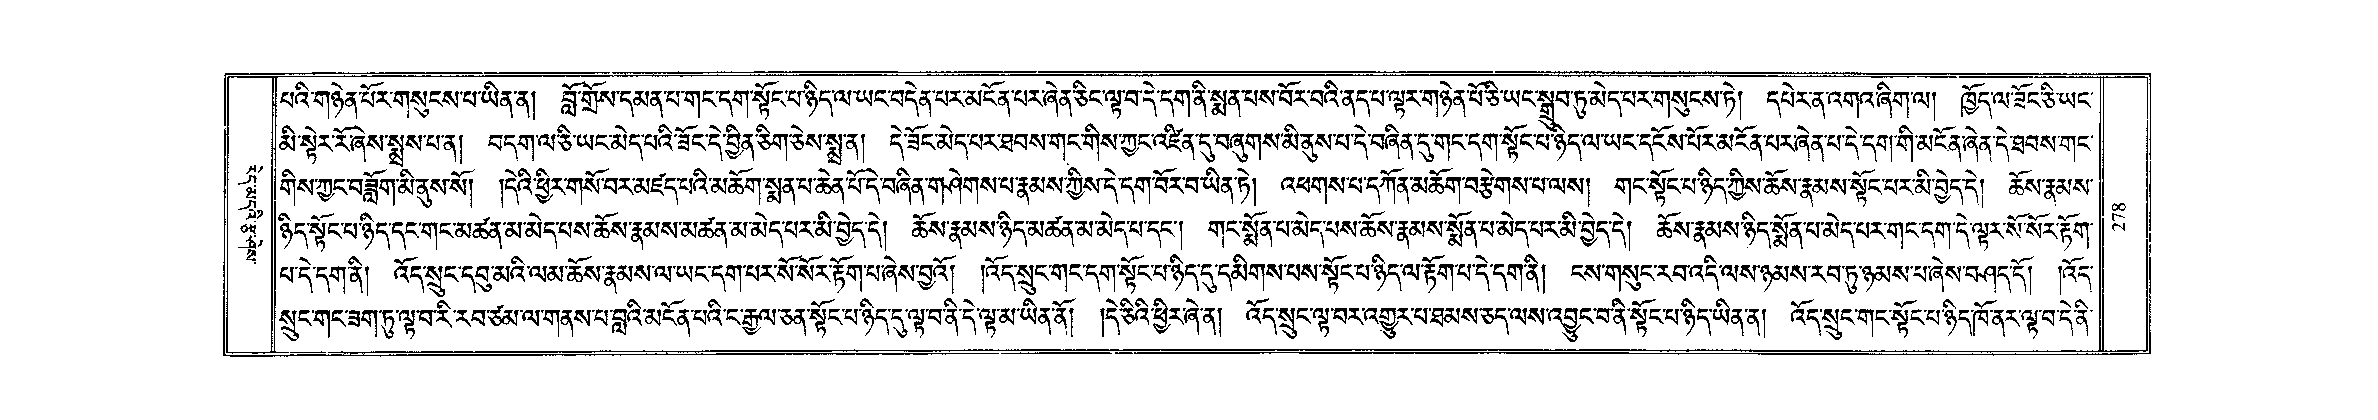པའི་གཉེན་པོར་གསུངས་པ་ཡིན་ན། བློ་གྲོས་དམན་པ་གང་དག་སྟོང་པ་ཉིད་ལ་ཡང་བདེན་པར་མངོན་པར་ཞེན་ཅིང་ལྟ་བ་དེ་དག་ནི་སྨན་པས་བོར་བའི་ནད་པ་ལྟར་གཉེན་པོ་ཅི་ཡང་སྒྲུབ་ཏུ་མེད་པར་གསུངས་ཏེ། དཔེར་ན་འགའ་ཞིག་ལ། ཁྱོད་ལ་ཟོང་ཅི་ཡང་
མི་སྟེར་རོ་ཞེས་སྨྲས་པ་ན། བདག་ལ་ཅི་ཡང་མེད་པའི་ཟོང་དེ་བྱིན་ཅིག་ཅེས་སྨྲ་ན། དེ་ཟོང་མེད་པར་ཐབས་གང་གིས་ཀྱང་འཛིན་དུ་བཞུགས་མི་ནུས་པ་དེ་བཞིན་དུ་གང་དག་སྟོང་པ་ཉིད་ལ་ཡང་དངོས་པོར་མངོན་པར་ཞེན་པ་དེ་དག་གི་མངོན་ཞེན་དེ་ཐབས་གང་
གིས་ཀྱང་བཟློག་མི་ནུས་སོ། །དེའི་ཕྱིར་གསོ་བར་མཛད་པའི་མཆོག་སྨན་པ་ཆེན་པོ་དེ་བཞིན་གཤེགས་པ་རྣམས་ཀྱིས་དེ་དག་བོར་བ་ཡིན་ཏེ། འཕགས་པ་དཀོན་མཆོག་བརྩེགས་པ་ལས། གང་སྟོང་པ་ཉིད་ཀྱིས་ཆོས་རྣམས་སྟོང་པར་མི་བྱེད་དེ། ཆོས་རྣམས་
ཉིད་སྟོང་པ་ཉིད་དང་གང་མཚན་མ་མེད་པས་ཆོས་རྣམས་མཚན་མ་མེད་པར་མི་བྱེད་དེ། ཆོས་རྣམས་ཉིད་མཚན་མ་མེད་པ་དང་། གང་སྨོན་པ་མེད་པས་ཆོས་རྣམས་སྨོན་པ་མེད་པར་མི་བྱེད་དེ། ཆོས་རྣམས་ཉིད་སྨོན་པ་མེད་པར་གང་དག་དེ་ལྟར་སོ་སོར་རྟོག་
པ་དེ་དག་ནི། འོད་སྲུང་དབུ་མའི་ལམ་ཆོས་རྣམས་ལ་ཡང་དག་པར་སོ་སོར་རྟོག་པ་ཞེས་བྱའོ། །འོད་སྲུང་གང་དག་སྟོང་པ་ཉིད་དུ་དམིགས་པས་སྟོང་པ་ཉིད་ལ་རྟོག་པ་དེ་དག་ནི། ངས་གསུང་རབ་འདི་ལས་ཉམས་རབ་ཏུ་ཉམས་པ་ཞེས་བཤད་དོ། །འོད་
སྲུང་གང་ཟག་ཏུ་ལྟ་བ་རི་རབ་ཙམ་ལ་གནས་པ་བླའི་མངོན་པའི་ང་རྒྱལ་ཅན་སྟོང་པ་ཉིད་དུ་ལྟ་བ་ནི་དེ་ལྟ་མ་ཡིན་ནོ། །དེ་ཅིའི་ཕྱིར་ཞེ་ན། འོད་སྲུང་ལྟ་བར་འགྱུར་པ་ཐམས་ཅད་ལས་འབྱུང་བ་ནི་སྟོང་པ་ཉིད་ཡིན་ན། འོད་སྲུང་གང་སྟོང་པ་ཉིད་ཁོ་ནར་ལྟ་བ་དེ་ནི་